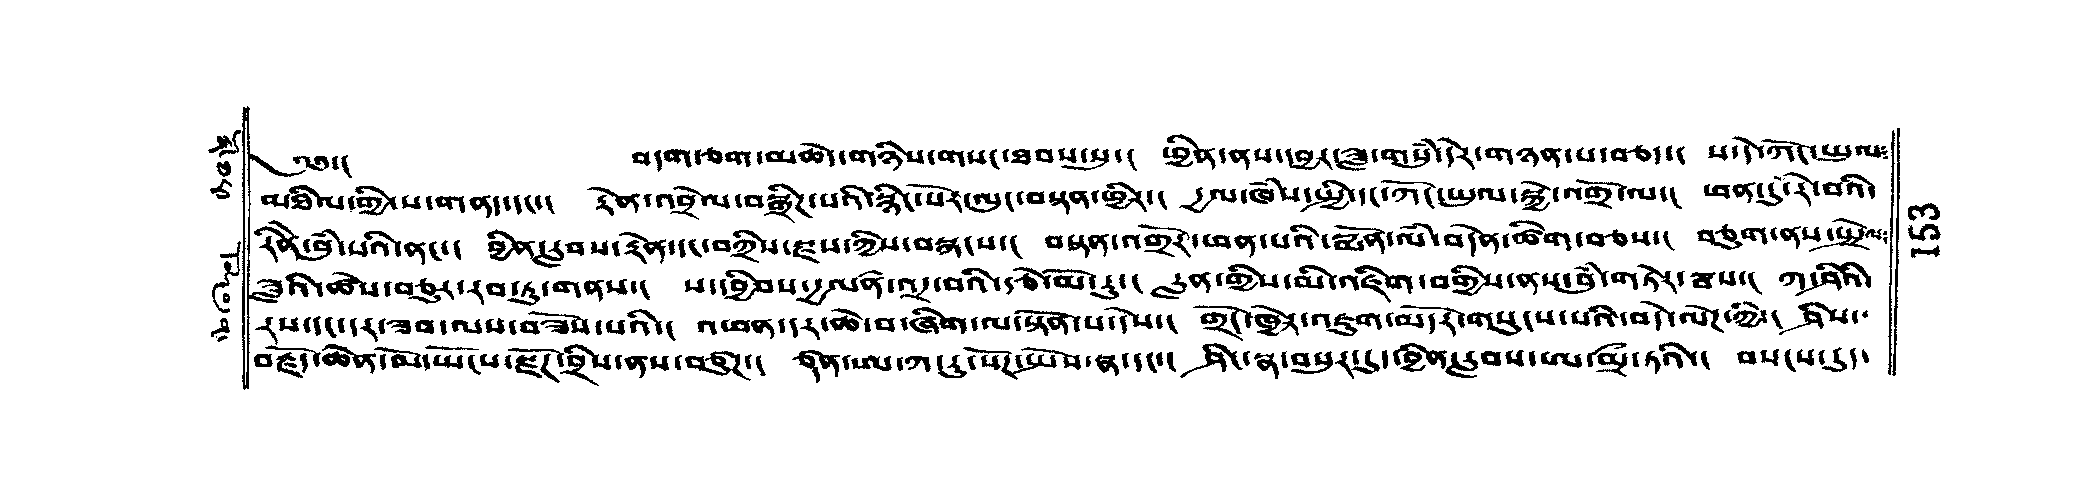བདག་ཅག་མཆེད་གཉིས་གསང་ཐབས་སུ། །ཕྱིན་ནས་དབྱར་ཟླ་གསུམ་དེར་གཉན་ས་བཅད། །ས་དེ་ཀོང་ཡུལ་
མཐིལ་གྱི་ས་གནད་དང་། །རྟེན་འབྲེལ་བསྒྲིགས་པའི་སྙིང་པོར་ལུང་བསྟན་ཕྱིར། །རྒྱལ་ཁམས་སྤྱི་དང་ཀོང་ཡུལ་སྐྱེ་འགྲོ་ལ། །ཕན་དུ་རེ་བའི་
རིན་ཆེན་བུམ་པའི་ནང་། །བྱིན་རླབས་རྟེན་དང་བཀྲ་ཤིས་རྫས་ཀྱིས་བསྐངས། །བསྟན་འགྲོར་ཕན་པའི་སྨོན་ལམ་བདེན་ཆིག་བཅས། །བཅུག་ནས་སྤྲེལ་
ཟླའི་ཚེས་བཅུར་རབ་ཏུ་གནས། །ས་དབྱིབས་རྒྱལ་མཚན་འདྲ་བའི་རྩེ་མོ་རུ། །རླན་གྱི་མི་འཇིག་བགྱིས་ནས་བུམ་གཏེར་སྦས། །ཀ་ཤིའི་
རས་དང་དར་ཟབ་ལས་བཟོས་པའི། །འཕན་དར་ཆེ་བ་ཞིག་ལ་སྟོན་པ་དེས། །གྲོང་ཁྱེར་འཇུག་མདོར་གསུངས་པའི་བདེ་ལེགས་ཀྱི། །ཤིས་
བརྗོད་ཆེན་མོ་ཡོངས་རྫོགས་བྲིས་ནས་བཙུགས། །ཙནྡན་ཨ་ཀ་རུ་སོགས་སྤོས་སྣ་དང་། ཤིང་སྣ་བསུར་དུད་བྱིན་རླབས་ཨ་མྲྀ་ཏའི། །བསངས་དུད་